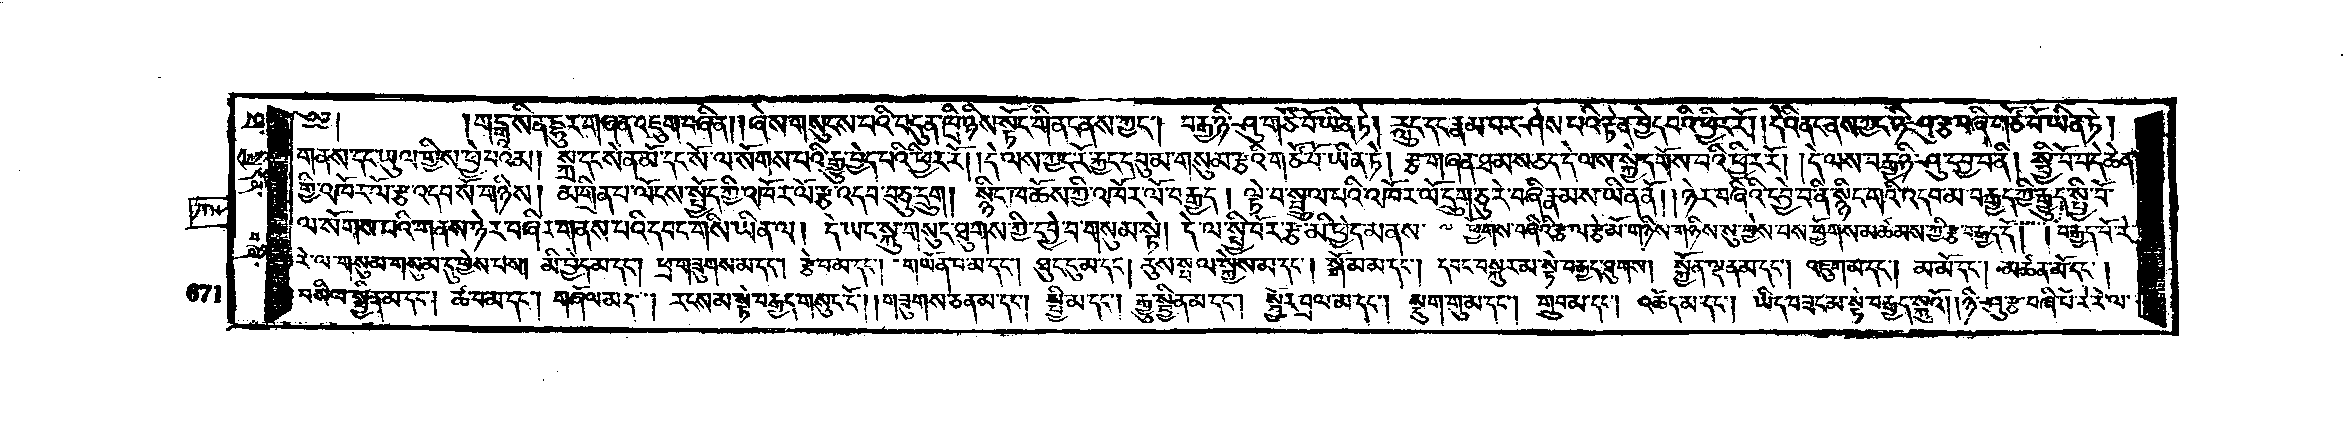༄༅། །གངྒཱ་སིན་དྷུར་གཞན་འཇུག་བཞིན། །ཞེས་གསུངས་པའི་བདུན་ཁྲི་ཉིས་སྟོང་གི་ནང་ནས་ཀྱང་། བརྒྱ་ཉི་ཤུ་གཙོ་བོ་ཡིན་ཏེ། རླུང་དང་རྣམ་པར་ཤེས་པའི་རྟེན་བྱེད་པའི་ཕྱིར་རོ། །དེའི་ནང་ནས་ཀྱང་ཉི་ཤུ་རྩ་བཞི་གཙོ་བོ་ཡིན་ཏེ།
གནས་དང་ཡུལ་གྱིས་ཕྱེ་བའམ། སྐྲ་དང་སེན་མོ་དང་སོ་ལ་སོགས་པའི་རྒྱུ་བྱེད་པའི་ཕྱིར་རོ། །དེ་ལས་ཀྱང་རོ་རྐྱང་དབུ་མ་གསུམ་རྩའི་གཙོ་བོ་ཡིན་ཏེ། རྩ་གཞན་ཐམས་ཅད་དེ་ལས་སྐྱེ་དགོས་པའི་ཕྱིར་རོ། །དེ་ལས་བརྒྱ་ཉི་ཤུ་དབྱེ་བ་ནི། སྤྱི་བོ་བདེ་ཆེན་
གྱི་འཁོར་ལོ་རྩ་འདབ་སོ་གཉིས། མགྲིན་པ་ལོངས་སྤྱོད་ཀྱི་འཁོར་ལོ་རྩ་འདབ་བཅུ་དྲུག། སྙིང་ཁ་ཆོས་ཀྱི་འཁོར་ལོ་བརྒྱད། ལྟེ་བ་སྤྲུལ་པའི་འཁོར་ལོ་དྲུག་ཅུ་རེ་བཞི་རྣམས་ཡིན་ནོ། །ཉེར་བཞིའི་དབྱེ་བ་ནི་སྙིང་གའི་འདབ་མ་བརྒྱད་ཀྱི་རྒྱུད་སྤྱི་བོ་
ལ་སོགས་པའི་གནས་ཉེར་བཞིར་གནས་པའི་དབང་གིས་ཡིན་ལ། དེ་ཡང་སྐུ་གསུང་ཐུགས་ཀྱི་དབྱེ་བ་གསུམ་སྟེ། དེ་ལ་སྤྱི་བོར་རྩ་མི་ཕྱེད་མ་ནས། ~་ཕྱོགས་བཞིའི་རྩ་ལ་རྩེ་མོ་གཉིས་གཉིས་སུ་གྱེས་པས་ཕྱོགས་མཚམས་ཀྱི་རྩ་བརྒྱད་དོ། །བརྒྱད་པོ་རེ་
རེ་ལ་གསུམ་གསུམ་དུ་གྱེས་པས། མི་ཕྱེད་མ་དང་། ཕྲ་གཟུགས་མ་དང་། རྩེ་བ་མ་དང་། གཡོན་པ་མ་དང་། ཐུང་དུ་མ་དང་། རུས་སྦལ་སྐྱེས་མ་དང་། སྦོ་མ་མ་དང་། དབང་བསྐུར་མ་སྟེ་བརྒྱད་ཐུགས། སྐྱོན་ལྡན་མ་དང་། འཇུག་མ་དང་། མ་མོ་དང་། མཚན་མོ་དང་།
བསིལ་སྤྱིན་མ་དང་། ཚ་བ་མ་དང་། གཞོལ་མ་དང་། རངས་མ་སྟེ་བརྒྱད་གསུང་ངོ། །གཟུགས་ཅན་མ་དང་། སྤྱི་མ་དང་། རྒྱུ་སྦྱིན་མ་དང་། སྦྱོར་བྲལ་མ་དང་། སྡུག་གུ་མ་དང་། གྲུབ་མ་དང་། འཚེད་མ་དང་། ཡིད་བཟང་མ་སྟེ་བརྒྱད་སྐུའོ། །ཉི་ཤུ་རྩ་བཞི་པོ་རེ་རེ་ལ་